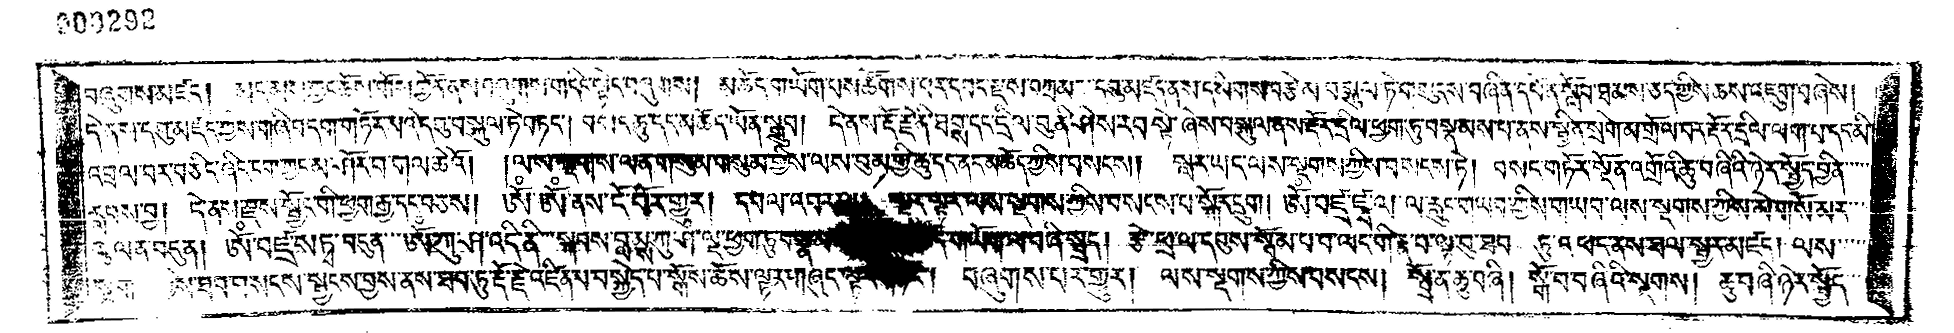བཞུགས་མཛད། མང་མས་ཀྱང་ཆོས་གོས་གྱོན་ནས་བཞུགས་གདིང་སྟེང་བཞུགས། མཆོད་གཡོག་པས་ཚོགས་བར་དབང་རྫས་བཀྲམ་དབུ་མཛད་ནས་དམིགས་བརྩེ་མ་བསྐུལ་ཏེ་གསུངས་བཞིན་དཔོན་སློབ་ཐམས་ཅད་ཀྱིས་ཆས་འཇུག་བཞེས།
དེ་ནས་དབུ་མཛད་ཀྱིས་གཞི་བདག་གཏོར་མའི་དབུ་བསྐུལ་ཏེ་བཏང་། བསང་ཆུ་དང་མཆོད་ཡོན་སྒྲུབ། དེ་ནས་རྡོ་རྗེ་ནི་ཐབས་དང་དྲིལ་བུ་ནི་ཤེས་རབ་སྟེ་ཞེས་བསྐུལ་ནས་རྡོར་དྲིལ་ཕྱག་ཏུ་བསྣམས་པ་ནས་སྦྱིན་སྲེག་མ་གྲོལ་བར་རྡོར་དྲིལ་ལག་པ་དང་མི་
འབྲལ་བར་བཅིང་ཞིང་ངག་ཀྱང་མ་ཤོར་བ་གལ་ཆེའོ། །ལས་སྔགས་ལན་གསུམ་གསུམ་གྱིས་ལས་བུམ་གྱི་ཆུ་དང་ནང་མཆོད་ཀྱིས་བསངས། སླར་ཡང་ལས་སྔགས་ཀྱིས་བསངས་ཏེ། བསང་གཏོར་སྔོན་འགྲོའི་ཆུ་བཞིའི་ཉེར་སྤྱོད་བྱིན་
རླབས་བྱ། དེ་ནས་རྫས་སྦྱོང་གི་ཕྱག་རྒྱ་དང་བཅས། ཨོཾ་ཨོཾ་ནས་ངོ་བོར་གྱུར། དཔལ་འབར་ལ། སྔར་ལྟར་ལས་སྔགས་ཀྱིས་བསངས་པ་སྐོར་དྲུག །ཨོཾ་བཛྲ་ཛྭ་ལ་ལ་རླུང་གཡབ་ཀྱིས་གཡབ་ལས་སྔགས་ཀྱིས་མེ་གསོ་མར་
ཁུ་ལན་བདུན། ཨོཾ་བཛྲ་སཏྭ་བདུན་ཨོཾ་ཀུ་ཤ་འདི་ནི་སྐབས་བླ་མས་ཀུ་ཤ་ལྔ་ཕྱག་ཏུ་བསྣམས་ཏེ། མཆོད་གཡོག་ལ་བཞི་སྤྲད། རྩེ་ཕྲ་ལ་དབུས་སྦོམ་པ་བ་ལང་གི་རྣ་བ་ལྟ་བུ་ཐབ་ཏུ་འཕང་ནས་ཐལ་སྦྱར་མཛད། ལས་
སྔགས་ཀྱིས་ཐབ་བསངས་སྦྱངས་བྱས་ནས་ཐབ་ཏུ་རྡོ་རྗེ་འཛིན་པ་བསྐྱེད་པ་སྒོས་ཆོས་ལྟར་གཞུང་ལྟར་གཏོང་། བཞུགས་པར་གྱུར། ལས་སྔགས་ཀྱིས་བསངས། སྤྲོ་ན་ཆུ་བཞི། སྒོ་བ་བཞིའི་སྔགས། ཆུ་བཞི་ཉེར་སྤྱོད་